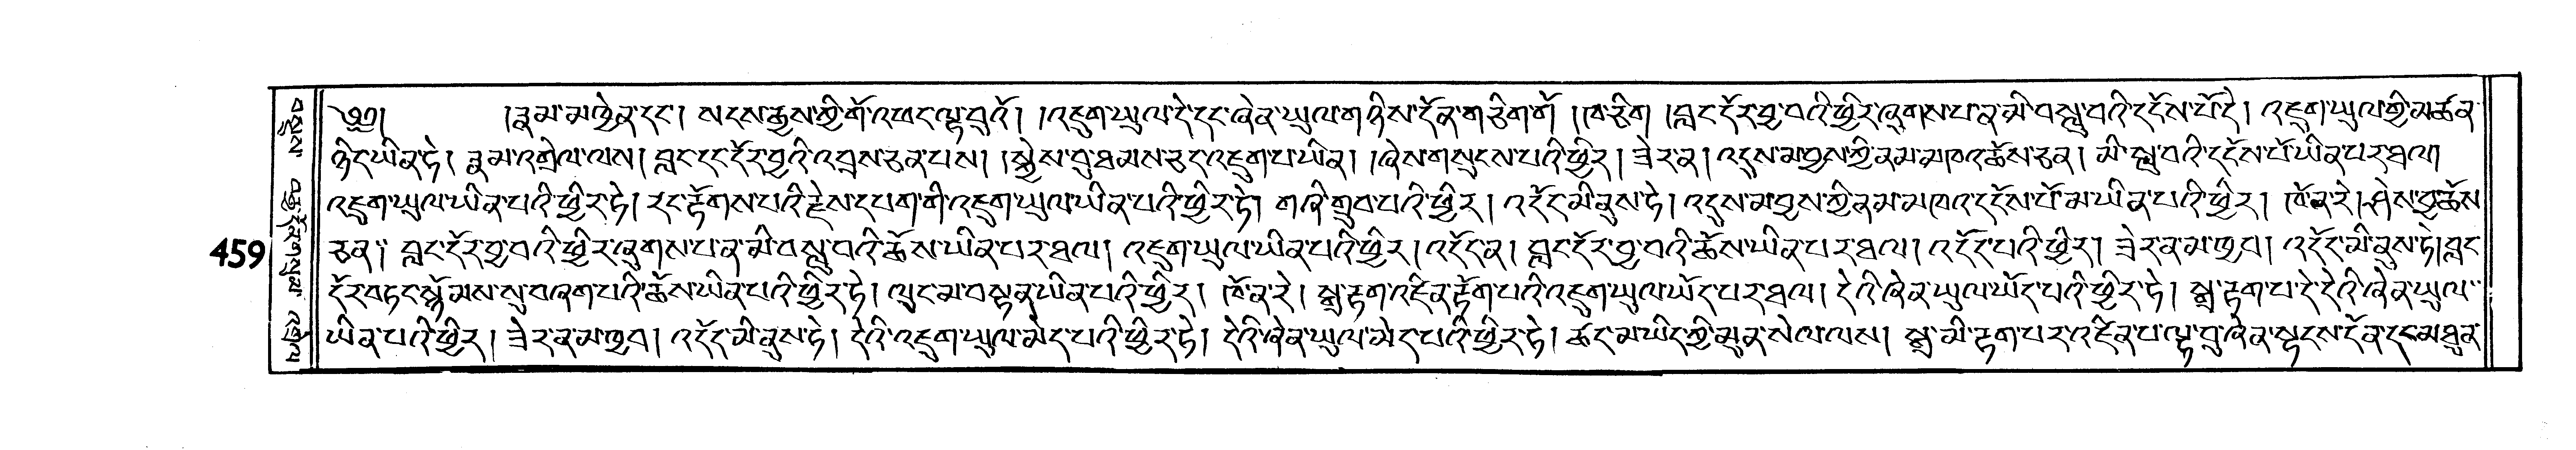༄༅། །རྣམ་མཁྱེན་དང་། སངས་རྒྱས་ཀྱི་གོ་འཕང་ལྟ་བུའོ། །འཇུག་ཡུལ་དེ་དང་ཞེན་ཡུལ་གཉིས་དོན་གཅིག་གོ །ཁ་ཅིག །བླང་དོར་བྱ་བའི་ཕྱིར་ཞུགས་པ་ན་མི་བསླུ་བའི་དངོས་པོ་དེ། འཇུག་ཡུལ་གྱི་མཚན་
ཉིད་ཡིན་ཏེ། རྣམ་འགྲེལ་ལས། བླང་དང་དོར་བྱའི་འབྲས་ཅན་པས། །སྐྱེས་བུ་ཐམས་ཅད་འཇུག་པ་ཡིན། །ཞེས་གསུངས་པའི་ཕྱིར། ཟེར་ན། འདུས་མ་བྱས་ཀྱི་ནམ་མཁའ་ཆོས་ཅན། མི་སླུ་བའི་དངོས་པོ་ཡིན་པར་ཐལ།
འཇུག་ཡུལ་ཡིན་པའི་ཕྱིར་ཏེ། རང་རྟོགས་པའི་རྗེས་དཔག་གི་འཇུག་ཡུལ་ཡིན་པའི་ཕྱིར་ཏེ། གཞི་གྲུབ་པའི་ཕྱིར། འདོད་མི་ནུས་ཏེ། འདུས་མ་བྱས་ཀྱི་ནམ་མཁའ་དངོས་པོ་མ་ཡིན་པའི་ཕྱིར། ཁོ་ན་རེ། ཤེས་བྱ་ཆོས་
ཅན༑ བླང་དོར་བྱ་བའི་ཕྱིར་ཞུགས་པ་ན་མི་བསླུ་བའི་ཆོས་ཡིན་པར་ཐལ། འཇུག་ཡུལ་ཡིན་པའི་ཕྱིར། འདོད་ན། བླང་དོར་བྱ་བའི་ཆོས་ཡིན་པར་ཐལ། འདོད་པའི་ཕྱིར། ཟེར་ན་མ་ཁྱབ། འདོད་མི་ནུས་ཏེ། བླང་
དོར་བཏང་སྙོམས་སུ་བཞག་པའི་ཆོས་ཡིན་པའི་ཕྱིར་ཏེ། ལུང་མ་བསྟན་ཡིན་པའི་ཕྱིར། ཁོ་ན་རེ། སྒྲ་རྟག་འཛིན་རྟོག་པའི་འཇུག་ཡུལ་ཡོད་པར་ཐལ། དེའི་ཞེན་ཡུལ་ཡོད་པའི་ཕྱིར་ཏེ། སྒྲ་རྟག་པ་དེ་དེའི་ཞེན་ཡུལ་
ཡིན་པའི་ཕྱིར། ཟེར་ན་མ་ཁྱབ། འདོད་མི་ནུས་ཏེ། དེའི་འཇུག་ཡུལ་མེད་པའི་ཕྱིར་ཏེ། དེའི་ཞེན་ཡུལ་མེད་པའི་ཕྱིར་ཏེ། ཚད་མ་ཡིད་ཀྱི་མུན་སེལ་ལས། སྒྲ་མི་རྟག་པར་འཛིན་པ་ལྟ་བུ་ཞེན་སྟངས་དོན་དང་མཐུན་